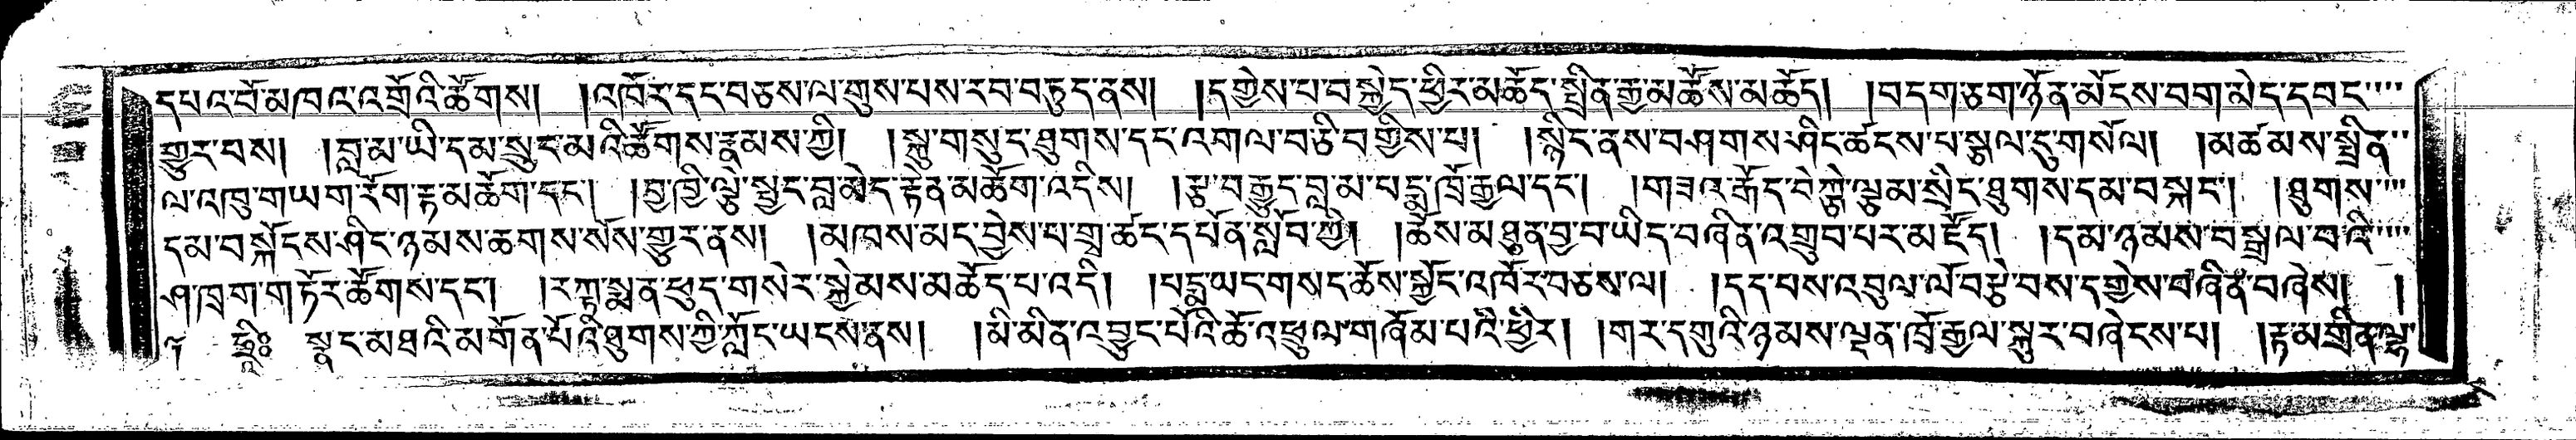དཔའ་བོ་མཁའ་འགྲོའི་ཚོགས། །འཁོར་དང་བཅས་ལ་གུས་པས་རབ་བཏུད་ནས། །དགྱེས་པ་བསྐྱེད་ཕྱིར་མཆོད་སྤྲིན་རྒྱ་མཚོས་མཆོད། །བདག་ཅག་ཉོན་མོངས་བག་མེད་དབང་
གྱུར་པས། །བླ་མ་ཡི་དམ་སྲུང་མའི་ཚོགས་རྣམས་ཀྱི། །སྐུ་གསུང་ཐུགས་དང་འགལ་བ་ཅི་བགྱིས་པ། །སྙིང་ནས་བཤགས་ཤིང་ཚངས་པ་སྩལ་དུ་གསོལ། །མཚམས་སྤྲིན་
ལ་འཁུ་གཡག་རོག་རྟ་མཆོག་དང་། །བྱ་ཁྱི་ལྕེ་སྤྱང་བླ་མེད་རྟེན་མཆོག་འདིས། །རྩ་བརྒྱུད་བླ་མ་པདམ་ཁྲོ་རྒྱལ་དང་། །གཟའ་རྒོད་བེཀྩེ་ལྕམ་སྲིང་ཐུགས་དམ་བསྐང་། །ཐུགས་
དམ་བསྐོངས་ཤིང་ཉམས་ཆགས་སོས་གྱུར་ནས། །མཁས་མང་བྱེས་པ་གྲྭ་ཚང་དཔོན་སློབ་ཀྱི། །ཆོས་མཐུན་བྱ་བ་ཡིད་བཞིན་འགྲུབ་པར་མཛོད། །དམ་ཉམས་བསྒྲལ་བའི་
ཤ་ཁྲག་གཏོར་ཚོགས་དང་། །རཀྟ་སྨན་ཕུད་གསེར་སྐྱེམས་མཆོད་པ་འདི། །པདམ་ཡང་གསང་ཆོས་སྐྱོང་འཁོར་བཅས་ལ། །དད་པས་འབུལ་ལོ་བརྩེ་བས་དགྱེས་བཞིན་བཞེས། །
༈ ཧྲཱིཿ སྣང་མཐའི་མགོན་པོའི་ཐུགས་ཀྱི་ཀློང་ཡངས་ནས། །མི་མིན་འབྱུང་པོའི་ཆོ་འཕྲུལ་གཞོམ་པའི་ཕྱིར། །གར་དགུའི་ཉམས་ལྡན་ཁྲོ་རྒྱལ་སྐུར་བཞེངས་པ། །རྟ་མགྲིན་ལྷ་